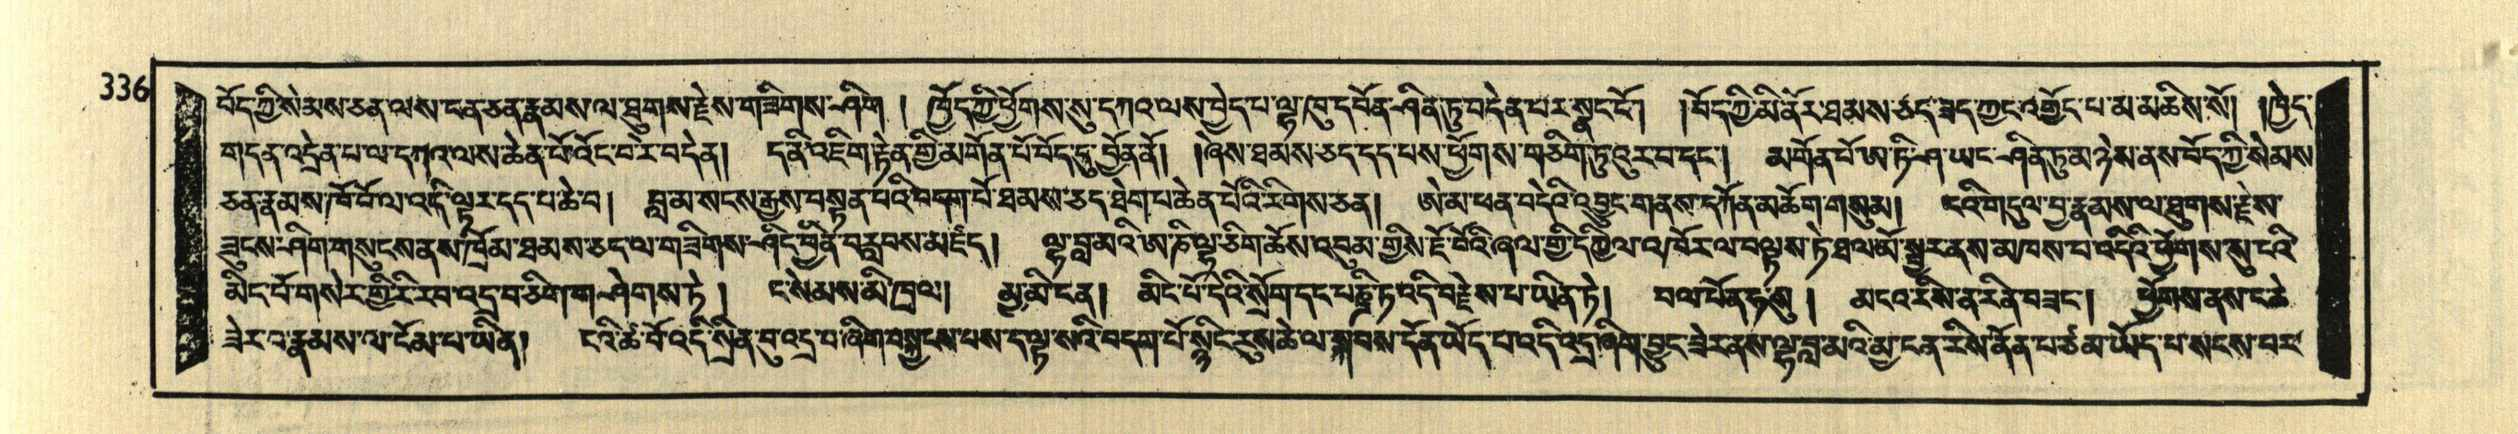བོད་ཀྱི་སེམས་ཅན་ལས་ངན་ཅན་རྣམས་ལ་ཐུགས་རྗེས་གཟིགས་ཤིག། ཁྱོད་ཀྱི་ཕྱོགས་སུ་དཀའ་ལས་བྱེད་པ་ལྷ་ཁུ་དབོན་ཤིན་ཏུ་བདེན་པར་སྣང་ངོ། །བོད་ཀྱི་མི་ནོར་ཐམས་ཅད་ཟད་ཀྱང་འགྱོད་པ་མ་མཆིས་སོ། །ཁྱེད་
གདན་འདྲེན་པ་ལ་དཀའ་ལས་ཆེན་བོ་འོང་བ་རེ་བདེན། ད་ནི་འཇིག་རྟེན་གྱི་མགོན་པོ་བོད་དུ་བྱོན་ནོ། །ཞེས་ཐམས་ཅད་དད་པས་ཕྱོགས་གཅིག་ཏུ་འུར་བ་དང་། མགོན་པོ་ཨ་ཏི་ཤ་ཡང་ཤིན་ཏུ་མཉེས་ནས་བོད་ཀྱི་སེམས་
ཅན་རྣམས་ཁོ་བོ་ལ་འདི་ལྟར་དད་པ་ཆེ་བ། བླ་མ་སངས་རྒྱས་བསྟན་པའི་བདག་པོ་ཐམས་ཅད་ཐེག་པ་ཆེན་པོའི་རིགས་ཅན། ཨེ་མ་ཕན་བདེའི་འབྱུང་གནས་དཀོན་མཆོག་གསུམ། ངའི་གདུལ་བྱ་རྣམས་ལ་ཐུགས་རྗེས་
ཟུངས་ཤིག་གསུངས་ནས་ཁྲོམ་ཐམས་ཅད་ལ་གཟིགས་ཤིང་བྱིན་བརླབས་མཛད། ལྷ་བླ་མའི་ཨ་ཎི་ལྷ་ཅིག་ཆོས་འབུམ་གྱིས་ཇོ་བོའི་ཞལ་གྱི་དཀྱིལ་འཁོར་ལ་བལྟས་ཏེ་ཐལ་མོ་སྦྱར་ནས་མཁས་པ་འདིའི་ཕྱོགས་སུ་ངའི་
མིང་པོ་གསེར་གྱི་རི་རབ་འདྲ་བ་ཅིག་གཤེགས་ཏེ། ང་སེམས་མི་ཁྲལ། མྱ་མི་ངན། མིང་པོ་དེའི་སྲོག་དང་པཎྜི་ཏ་འདི་བརྗེས་པ་ཡིན་ཏེ། བལ་པོན་ཧ་སུ། མངའ་རིས་ན་རིན་བཟང་། ཕྱོགས་ནས་ང་ཆེ་
ཟེར་བ་རྣམས་ལ་ངོམ་པ་ཡིན། ངའི་ཚ་བོ་འདི་སྲིན་བུ་འདྲ་བ་ཞིག་བསྐྱངས་པས་ད་ལྟ་སའི་བདག་པོ་སྙིང་རུས་ཆེ་ལ་སྐབས་དོན་ཡོད་པ་འདི་འདྲ་ཞིག་བྱུང་ཟེར་ནས་ལྷ་བླ་མའི་མྱ་ངན་རིས་ནོན་པ་ཙམ་ཡོད་པ་སངས་པར་